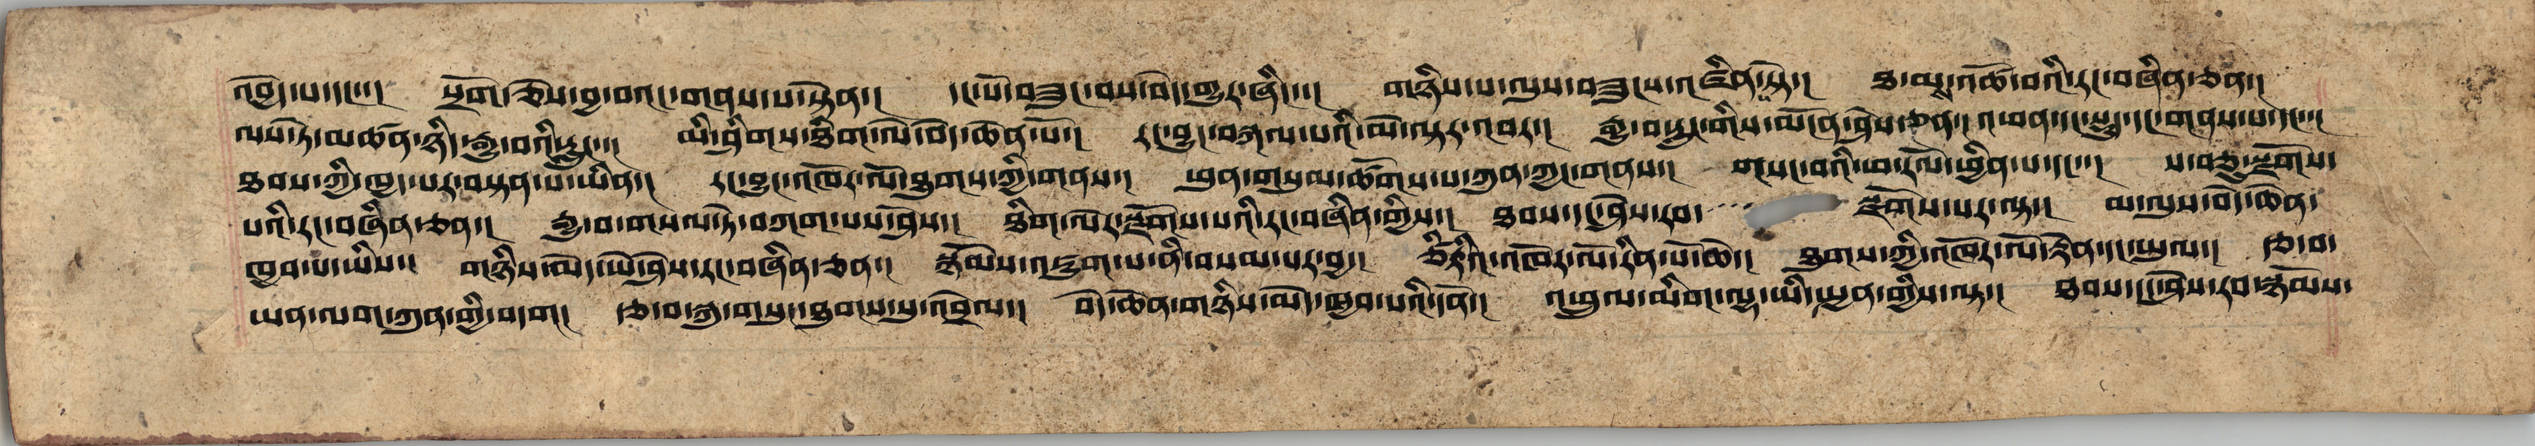འབྱེད་པ་དང་་། སྲོག་ཅེས་བྱ་བའང་གནས་པ་སྟེན་། དང་པོ་བཟུང་བས་བདེ་གྱུར་ཞིང་་། གཉིས་པ་ལུས་བཟུངས་འཛིན་པ་སྟེ་། ཐ་མས་འཚོ་བའི་རང་བཞིན་ཅན་།
ལས་ཏེ་མཚན་ཉིད་རྒྱུ་བའི་རླུང་་། མི་ཤིགས་ཐིག་ལེ་བདེ་ཆེན་པོ་། རང་བྱུང་བསྐལ་པའི་མེ་ལྟར་འབར་། རྒྱུ་བ་རླུང་གིས་མངོན་ཤེས་ཅན་། འཕན་དང་སྡུད་དང་གནས་པ་དང་་།
ཐབས་ཀྱི་ཁྱད་པར་བསྟན་པ་ཡིན་། རང་བྱུང་འཁོར་ལོ་ཐུགས་ཀྱི་གནས་། ཕུན་གསུམ་ཚོགས་པ་ཀུན་ཀྱང་གནས་། གསང་བའི་ཕ་རོལ་ཕྱིན་པ་དང་་། ས་བཅུ་སྫོགས་
པའི་རང་བཞིན་ཅན་། རྒྱུ་བ་གསལ་ཏེ་བཀག་པས་ཤེས་། ཐིག་ལེར་སྫོགས་པའི་རང་བཞིན་གྱིས་། ཐབས་དང་ཤེས་རབ་་་་ ་སྫོགས་པར་ལྟ་། མ་ལུས་བདེ་ཆེན་
ཁྱབ་པ་ཡིས་། གཉིད་མེད་ཡེ་ཤེས་རང་བཞིན་ཅན་། སྙོམས་འཇུག་པ་ནི་བསམ་པར་བྱ་། ཙིཏྟའི་འཁོར་ལོ་རིན་པོ་ཆེ་། ཐུགས་ཀྱི་འཁོར་ལོ་རྟེན་དང་ཡུལ་། རྩ་བ་
ཡན་ལག་ཀུན་གྱི་བདག། རྩ་བ་སྐུ་གསུང་ཐུགས་སུ་འབྲེལ་། བདེ་ཆེན་གཉིས་མེད་ཁྱབ་པའི་དོན་། འཕྲུལ་མིག་ལྷ་ཡི་སྤྱན་གྱིས་ལྟ་། ཐབས་དང་ཤེས་རབ་སྙོམས་